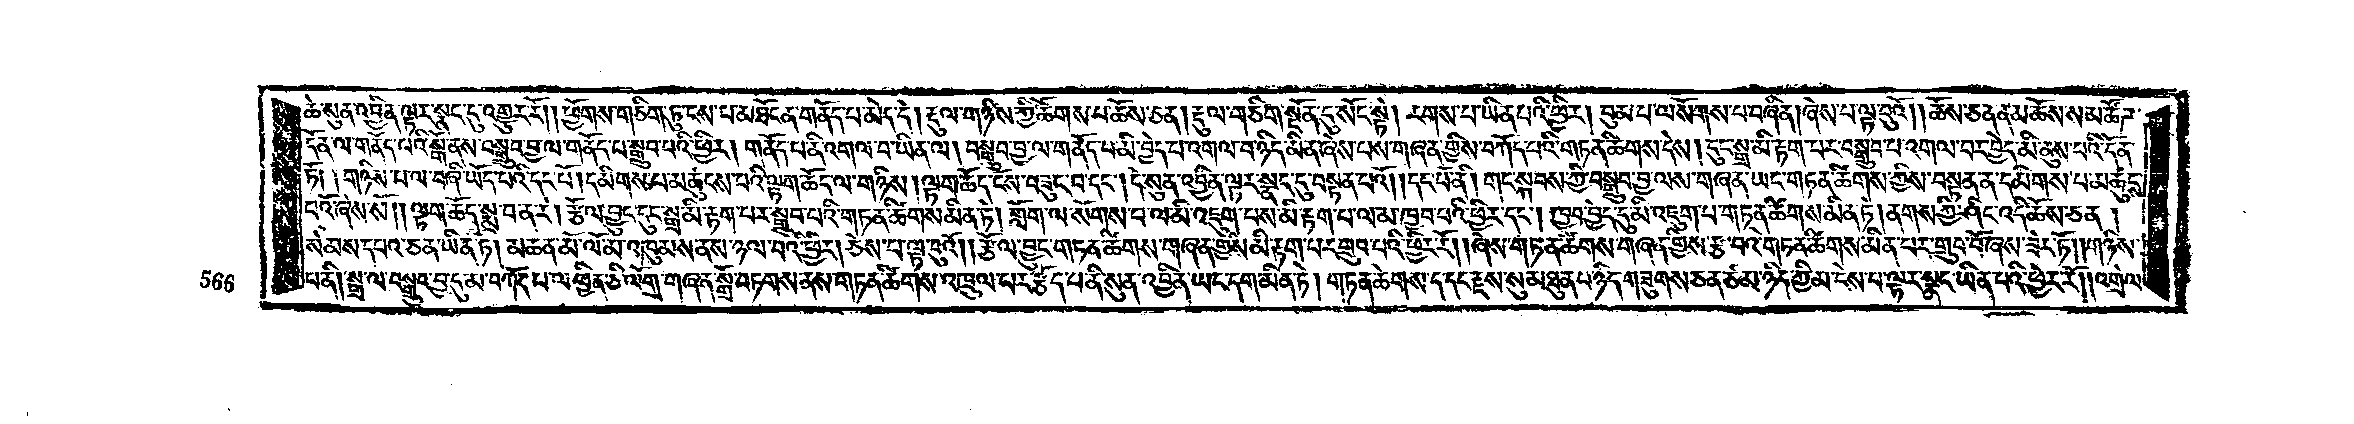ཆེ་སུན་འབྱིན་ལྟར་སྣང་དུ་འགྱུར་རོ། །ཕྱོགས་གཅིག་ཏུ་ངེས་པ་མཐོང་ན་གནོད་པ་མེད་དེ། རྡུལ་གཉིས་ཀྱི་ཚོགས་པ་ཆོས་ཅན། རྡུལ་གཅིག་སྔོན་དུ་སོང་སྟེ། རགས་པ་ཡིན་པའི་ཕྱིར། བུམ་པ་ལ་སོགས་པ་བཞིན། ཞེས་པ་ལྟ་བུའོ། །ཆོས་ཅན་ནམ་ཆོས་སམ་ཚོགས་
དོན་ལ་གནོད་པའི་སྒོ་ནས་བསྒྲུབ་བྱ་ལ་གནོད་པ་སྒྲུབ་པའི་ཕྱིར། གནོད་པ་ནི་འགལ་བ་ཡིན་ལ། བསྒྲུབ་བྱ་ལ་གནོད་པ་མི་བྱེད་པ་འགལ་བ་ཉིད་མིན་ཞེས་པས་གཞན་གྱིས་བཀོད་པའི་གཏན་ཚིགས་དེས། དུང་སྒྲ་མི་རྟག་པར་བསྒྲུབ་པ་འགལ་བར་བྱེད་མི་ནུས་པའི་དོན་
ཏོ༑ གཉིས་པ་ལ་བཞི་ཡོད་པའི་དང་པོ། དམིགས་པ་མཚུངས་པའི་ལྟག་ཆོད་ལ་གཉིས། ལྟག་ཆོད་ངོས་བཟུང་བ་དང་། དེ་སུན་འབྱིན་ལྟར་སྣང་དུ་བསྟན་པའོ། །དང་པོ་ནི། གང་སྐབས་ཀྱི་བསྒྲུབ་ཡ་ལས་གཞན་ཡང་གཏན་ཚིགས་ཀྱིས་བསྟན་ན་དམིགས་པ་མཚུངས་
པའོ་ཞེས་སོ། །ལྟག་ཆོད་སྨྲ་བ་ན་རེ། རྩོལ་བྱུང་དུང་སྒྲ་མི་རྟག་པར་སྒྲུབ་པའི་གཏན་ཚིགས་མིན་ཏེ། གློག་ལ་སོགས་པ་ལ་མི་རྟག་པ་ལ་མ་ཁྱབ་པའི་ཕྱིར་དང་། ཁྱབ་བྱེད་དུ་མི་འཇུག་པ་གཏན་ཚིགས་མིན་ཏེ། ནགས་ཀྱི་ཤིང་འདི་ཆོས་ཅན།
སེམས་དཔའ་ཅན་ཡིན་ཏེ། མཚན་མོ་ལོ་འཁུམས་ནས་ཉལ་བའི་ཕྱིར། ཅེས་པ་ལྟ་བུའོ། །རྩོལ་བྱུང་གཏན་ཚིགས་གཞན་གྱིས་མི་རྟག་པར་གྲུབ་པའི་ཕྱིར་རོ། །ཞེས་གཏན་ཚིགས་གཞན་གྱིས་རྩ་བའི་གཏན་ཚིགས་མིན་པར་གྲུབ་བོ་ཞེས་ཟེར་ཏོ། །གཉིས་
པ་ནི། སྒྲ་ལ་བསྒྲུབ་བྱ་དུ་མ་བཀོད་པ་ལ་ཕྱིན་ཅི་ལོག་གཞན་སྒྲོ་བཏགས་ནས་གཏན་ཚིགས་འཁྲུལ་པར་རྩོད་པ་ནི་སུན་འབྱིན་ཡང་དག་མིན་ཏེ། གཏན་ཚིགས་དེ་དང་རྗེས་སུ་མཐུན་པ་ཉིད་གཟུགས་ཅན་ཙམ་ཉིད་ཀྱི་མ་ངེས་པ་ལྟར་སྣང་ཡིན་པའི་ཕྱིར་རོ། །འགྲེལ་